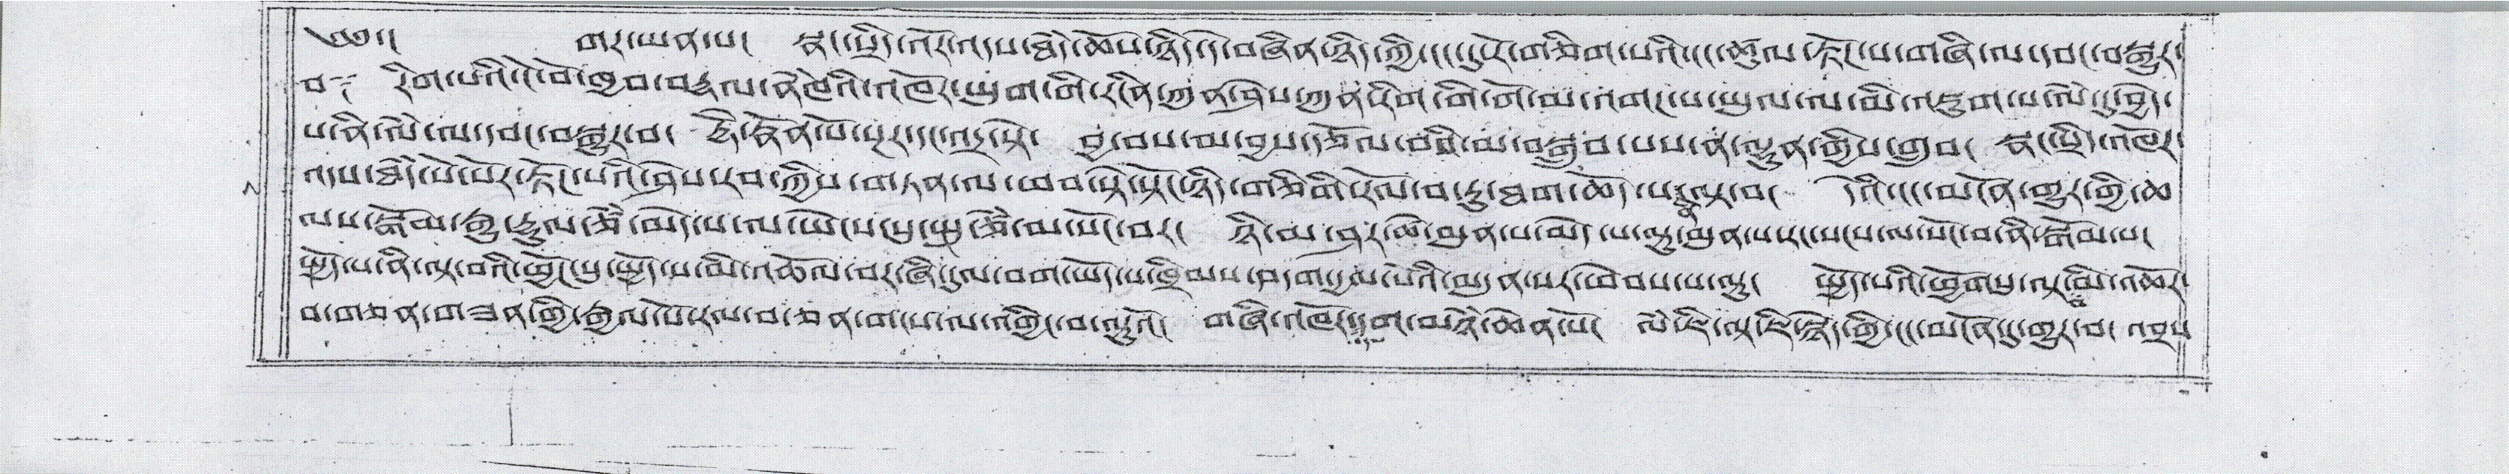གར་ཡན་པ། སྣང་སྲིད་འཁོར་འདས་ཐམས་ཅད་ཆོས་ཉིད་དེ་བཞིན་ཉིད་ཀྱི་ངང་དུ་རོ་གཅིག་པའི་ངང་ཚུལ་རྟོགས་པ་གཞི་ལ་གཞི་ལ་དབང་སྒྱུར་
བ། རིག་པའི་ངོ་བོ་ཁྱབ་བརྡལ་ནམ་མཁའི་འཁོར་ཡུག་གི་རང་བཞིན་ཀུན་ཤེས་ཀུན་རིག་གི་གོ་མ་འགག་པ་ཡུལ་ལ་མི་འཇུག་པ་ལམ་དུ་བྱེད་
པ་ནི་ལམ་ལ་དབང་སྒྱུར་བ། རྡོ་རྗེ་རྣོན་པོ་སྔར་དང་འདྲ་སྟེ། བྱ་བས་མ་བྱས་རྩོལ་བས་མ་བསྒྲུབ་པས་ན་ལྷུན་གྱིས་གྲུབ། སྣང་སྲིད་འཁོར་
འདས་ཐམས་ཅད་སོ་སོར་རྟོགས་པའི་ཤེས་རབ་ཀྱིས་གཏན་ལ་ཕབ་སྟེ་སྟོང་ཉིད་གཅིག་གི་རོལ་པ་རུ་ཐག་ཆོད་པས་ན་ལྟ་བ། དེའི་ངང་མངོན་གྱུར་གྱི་ཆ་
ལས་སྒོམ་རྒྱུ་རྡུལ་ཙམ་མེད་པ་ལ་ཡེངས་སུ་སྤུ་ཙམ་མ་སོང་བར། ཉི་མ་ཤར་ཚེ་མུན་པ་མེད་པ་ལྟ་བུ་མུན་པ་རང་སངས་ལ་སོང་བ་ནི་སྒོམ་པ། 
སྤྱོད་པ་ནི་ལྟ་བའི་ཕྱོགས་སུ་སྤྱོད་པ་མི་འཆོལ་བར་ཞི་དུལ་བག་ཡོད་པ་ཁྲིམས་བདག་རྒྱལ་པོའི་མདུན་སར་ཕེབས་པ་ལྟ་བུ། སྤྱོད་པའི་ཕྱོགས་སུ་ལྟ་བ་མི་འཆོལ་
བ་གཅན་གཟན་གྱི་རྒྱལ་པོ་རལ་པ་ཅན་གངས་ལ་འགྱིང་བ་ལྟ་བུའོ། གཞི་འཁོར་འདས་དག་མཉམ་ཆེན་པོ། ལམ་ཇི་ལྟ་ཇིོ་སྙེད་ཀྱི་ངང་མངོན་དུ་གྱུར་པ། འབྲས་